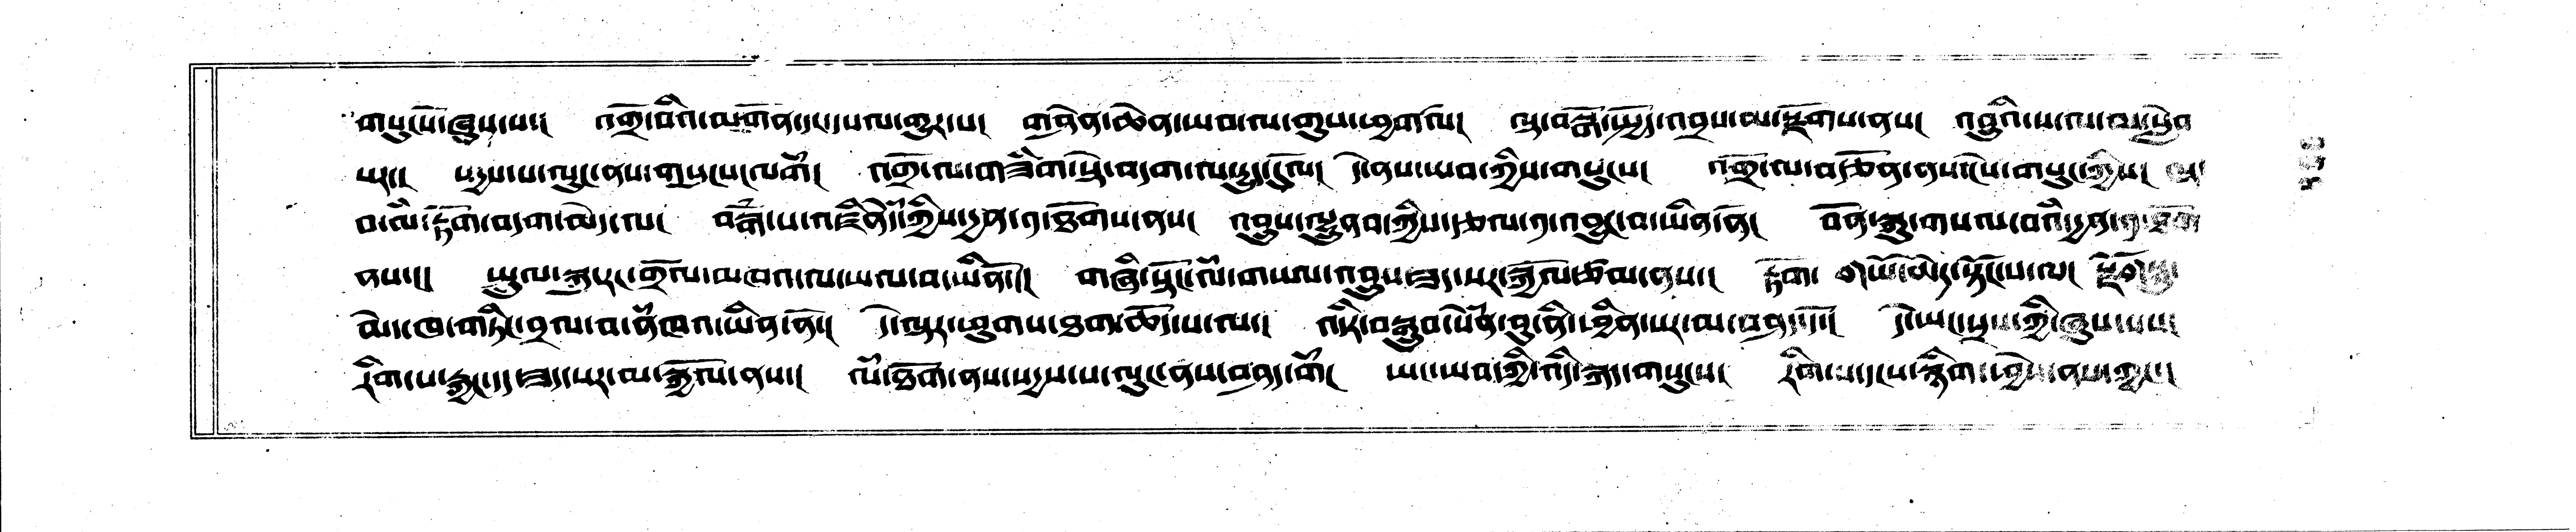གསུངས་སོ་ཞུས་པ། འགྲོ་བའི་མགོན་དང་དཔལ་གྱུར་པ། །གཤེན་ཆེན་ཡབ་ལ་གུས་ཕྱག་འཚལ། །ལྟ་སྒོམ་སྤྱོད་འབྲས་མ་རྫོགས་ནས། །འབྲས་བུའི་ས་ལ་མ་བསླེབས་
པར། །སངས་རྒྱས་པ་ལུང་ནས་གསུངས་ལགས་གམ། །འགྲོ་ལ་གཟིགས་ཏེ་བདག་ལ་རྒྱུད་དུ་གསོལ། །དེ་ནས་ཡབ་ཀྱིས་གསུངས། འགྲོ་ལ་བརྩོན་ན་ངས་གསུངས་ཀྱིས། །ལྟ་
བ་མི་རྟོག་བདག་མེད་ལ། །སྒོམ་པ་འཛིན་མེད་ཀྱི་རྒྱན་ཅིག་ཐོགས་ནས། །འབྲས་བུ་ལྷུན་གྲུབ་ཀྱི་རྩལ་ཅིག་འབྱུང་བ་ཡིན་ནོ། །བོན་སྐུ་གསལ་བའི་རྒྱན་ཅིག་ཐོགས་
ནས། ‘རྫོགས་སྐུ་གསལ་བའི་རྒྱན་ཅིག་ཐོག་ནས’ སྤྲུལ་སྐུ་རང་གྲོལ་མཁའ་ལ་ཡལ་བ་ཡིན་ནོ། གཞི་ལམ་སྟོང་ལམ་གསལ་འབྲས་བུ་ཟད་སར་སྐྱོལ་ཙམ་ན། རྟོག་མེད་
མཁའ་གཏིང་བྲལ་བ་ནམ་མཁའ་ཡིན་ནོ། །དེ་ལྟར་ཕུ་ཐག་ཆོད་པ་ལ། འདིར་བསྒྲུབས་སེམས་ཅན་བུ་ནི་ཕྱིན་པར་མ་བཤད་དོ། །དེ་ཡང་སྲས་ཀྱིས་ཞུས་པས། 
རིག་པ་རྐྱང་དེད་ཟད་སར་མ་སྐྱོལ་ནས། ལམ་ཐོག་ནས་སངས་རྒྱས་པ་ལུང་ནས་བཤད་གམ། ཡང་ཡབ་ཀྱིས་འདི་སྐད་གསུངས། རིག་པ་དྭངས་སྙིགས་ཕྱེས་ནས་ཀྱང་། །